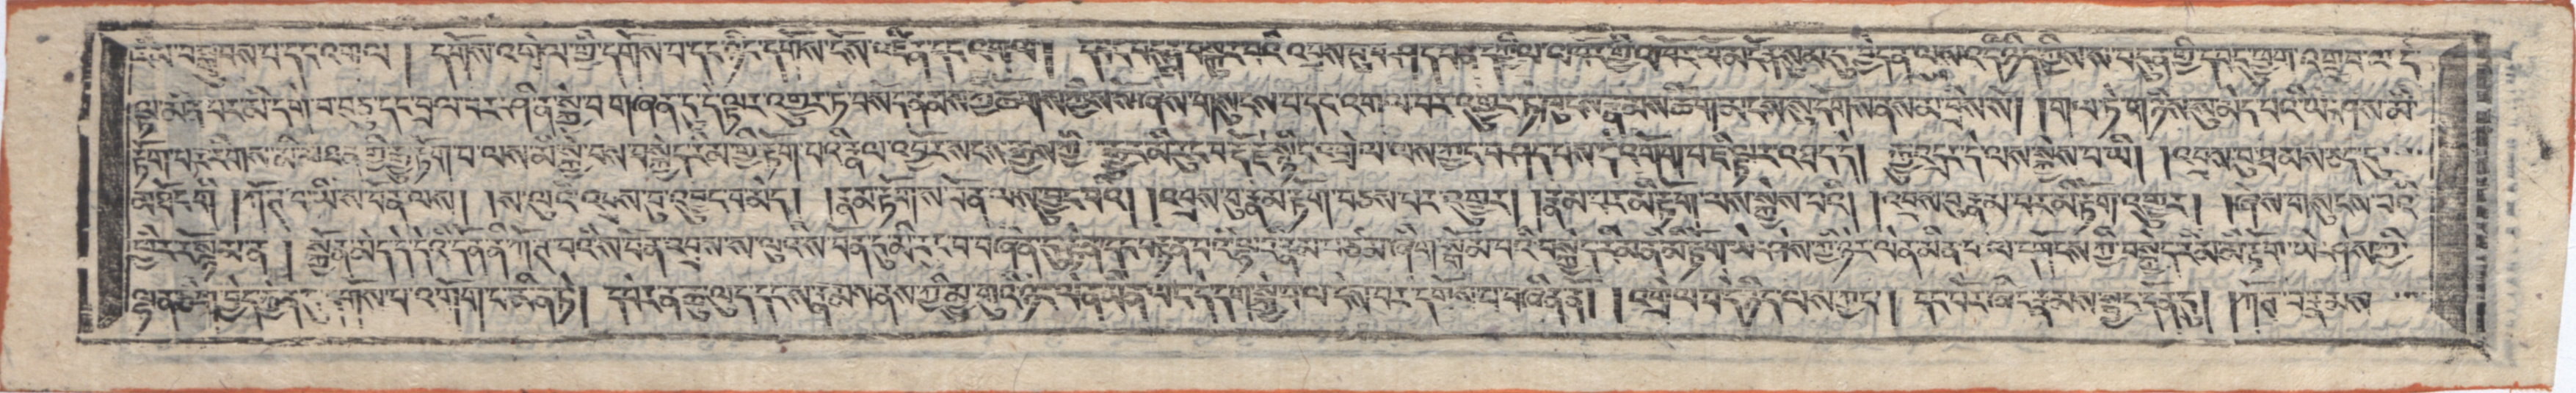རིམ་བསྒྲུབས་པ་དང་འགལ། དགོས་འགྲེལ་གྱི་དགོས་པ་དང་ཉིད་དགོས་ངོས་འཛིན་དང་འགལ། དབང་བདུན་བསྐུར་བའི་འབྲས་བུ་བཤད་པ་ན་དཀྱིལ་འཁོར་གྱི་འཁོར་ལོ་མངོན་སུམ་དུ་བྱེད་ན་ལུས་འདི་ཉིད་ཀྱིས་ས་བདུན་གྱི་དབང་ཕྱུག་འགྲུབ་ལ་དེ་
ལྟ་མིན་པར་མི་དགེ་བ་བཅུ་དང་བྲལ་བར་ཤི་ན་སྐྱེ་བ་གཞན་དུ་དེ་ལྟར་འགྱུར་ཏེ་བསོད་ནམས་ཀྱི་ཚོགས་ཀྱིས་སོ་ཞེས་གསུངས་པ་དང་འགལ་བར་འགྱུར་ཏེ་ཁུངས་རྣམས་ཚིག་མངས་སུ་དོགས་ནས་མ་བྲིས་སོ། །གལ་ཏེ་གཉིས་སུ་མེད་པའི་ཡེ་ཤེས་མི་
རྟོག་པར་རིགས་མི་མཐུན་གྱི་རྒྱུ་རྟོག་པ་ལས་མི་སྐྱེ་བས་བསྐྱེད་རིམ་གྱི་རྟོག་པའི་རྣལ་འབྱོར་སངས་རྒྱས་ཀྱི་རྒྱུར་མི་རུང་བ་རྡོ་རྗེ་སྙིང་འགྲེལ་ལས་ཀྱང་བཤད་པས་དེ་འགོག་པ་ཇི་ལྟར་འཐད་དེ། རྒྱུ་འདྲར་དེ་ལས་སྐྱེས་པ་ཡི། །འབྲས་བུ་ཐམས་ཅད་དུ་
མཐོང་གི །ཀོ་ཊ་བ་ཡི་ས་བོན་ལས། །ས་ལུའི་འབྲས་བུ་འབྱུང་བ་མེད། །རྣམ་རྟོག་ས་བོན་ལས་བྱུང་བའི། །འབྲས་བུ་རྣམ་རྟོག་བཅས་པར་འགྱུར། །རྣམ་པར་མི་རྟོག་ལས་སྐྱེས་པའི། །འབྲས་བུ་རྣམ་པར་མི་རྟོག་འགྱུར། །ཞེས་གསུངས་པའི་
ཕྱིར་རོ་སྙམ་ན། སྐྱོན་མེད་དེ་དེའི་དོན་ནི་ཀོ་ཊ་བའི་ས་བོན་འབྲས་ས་ལུའི་ས་བོན་དུ་མི་རུང་བ་བཞིན་དུ་རྟེན་དང་བརྟན་པའི་ལྷའི་རྣམ་པ་ཙམ་ཞིག་སྒོམ་པའི་བསྐྱེད་རིམ་ནི་མི་རྟོག་ཡེ་ཤེས་ཀྱི་ཉེར་ལེན་མིན་པ་ལ་དགོངས་ཀྱི་བསྐྱེད་རིམ་མི་རྟོག་ཡེ་ཤེས་ཀྱི་
ལྷན་ཅིག་བྱེད་རྐྱེན་དུ་དགོས་པ་འགོག་པ་མིན་ཏེ། དཔེར་ན་ཆུ་ལུད་དང་ས་རྣམས་ནས་ཀྱི་མྱུ་གུའི་ཉེར་ལེན་མིན་ཡང་དེ་དག་སྐྱེ་བ་ལ་ངེས་པར་དགོས་པ་བཞིན་ནོ། །འགྲེལ་པ་དེ་ཉིད་ལས་ཀྱང་། དང་པོར་ཞིང་རྣམས་སྦྱང་དོན་དུ། །ཀོ་ཊ་བ་རྣམས་